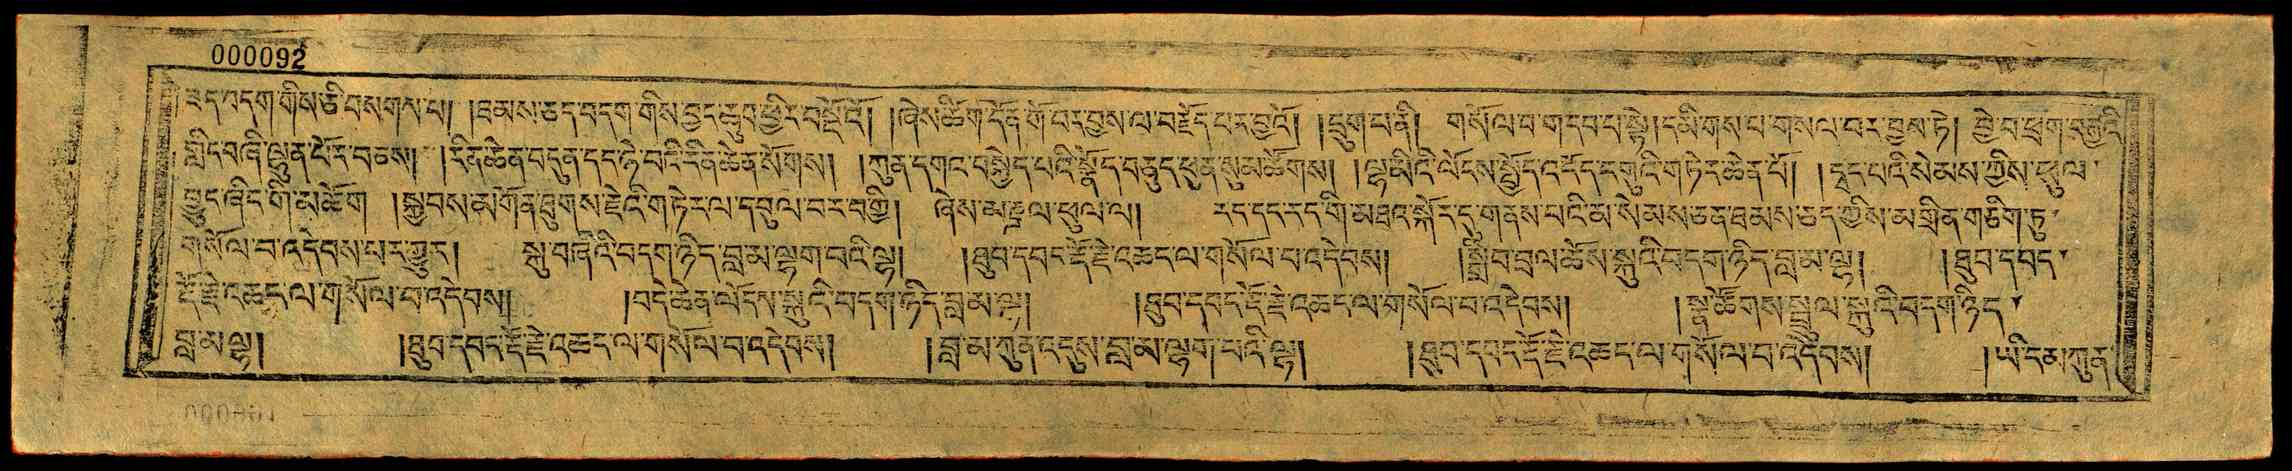ཟད་བདག་གིས་ཅི་བསགས་པ། །ཐམས་ཅད་བདག་གིས་བྱང་ཆུབ་ཕྱིར་བསྔོའོ། །ཞེས་ཚིག་དོན་གོ་བར་བྱས་ལ་བརྗོད་པར་བྱའོ། །དྲུག་པ་ནི། གསོལ་བ་གདབ་པ་སྟེ། དམིགས་པ་གསལ་བར་བྱས་ཏེ། བྱེ་བ་ཕྲག་བརྒྱའི་
གླིང་བཞི་ལྷུན་པོར་བཅས། །རིན་ཆེན་བདུན་དང་ཉེ་བའི་རིན་ཆེན་སོགས། །ཀུན་དཀའ་བསྐྱེད་པའི་སྣོད་བཅུད་ཕུན་སུམ་ཚོགས། །ལྷ་མིའི་ལོངས་སྤྱོད་འདོད་དགུའི་གཏེར་ཆེན་པོ། །དྭང་བའི་སེམས་ཀྱིས་ཕུལ་
བྱུང་ཞིང་གི་མཆོག །སྐྱབས་མགོན་ཐུགས་རྗེའི་གཏེར་ལ་དབུལ་བར་བགྱི། ཞེས་མཎྜལ་ཕུལ་ལ། རང་དང་རང་གི་མཐའ་སྐོར་དུ་གནས་པའི་མ་སེམས་ཅན་ཐམས་ཅད་ཀྱིས་མགྲིན་གཅིག་ཏུ་
གསོལ་བ་འདེབས་པར་གྱུར། སྐུ་བཞིའི་བདག་ཉིད་བླ་མ་ལྷག་པའི་ལྷ། །ཐུབ་དབང་རྡོ་རྗེ་འཆང་ལ་གསོལ་བ་འདེབས། །སྒྲིབ་བྲལ་ཆོས་སྐུའི་བདག་ཉིད་བླ་མ་ལྷ། །ཐུབ་དབང་
རྡོ་རྗེ་འཆང་ལ་གསོལ་བ་འདེབས། །བདེ་ཆེན་ལོངས་སྐུའི་བདག་ཉིད་བླ་མ་ལྷ། །ཐུབ་དབང་རྡོ་རྗེ་འཆང་ལ་གསོལ་བ་འདེབས། །སྣ་ཚོགས་སྤྲུལ་སྐུའི་བདག་ཉིད་
བླ་མ་ལྷ། །ཐུབ་དབང་རྡོ་རྗེ་འཆང་ལ་གསོལ་བ་འདེབས། །བླ་མ་ཀུན་འདུས་བླ་མ་ལྷག་པའི་ལྷ། །ཐུབ་དབང་རྡོ་རྗེ་འཆང་ལ་གསོལ་བ་འདེབས། །ཡི་དམ་ཀུན་